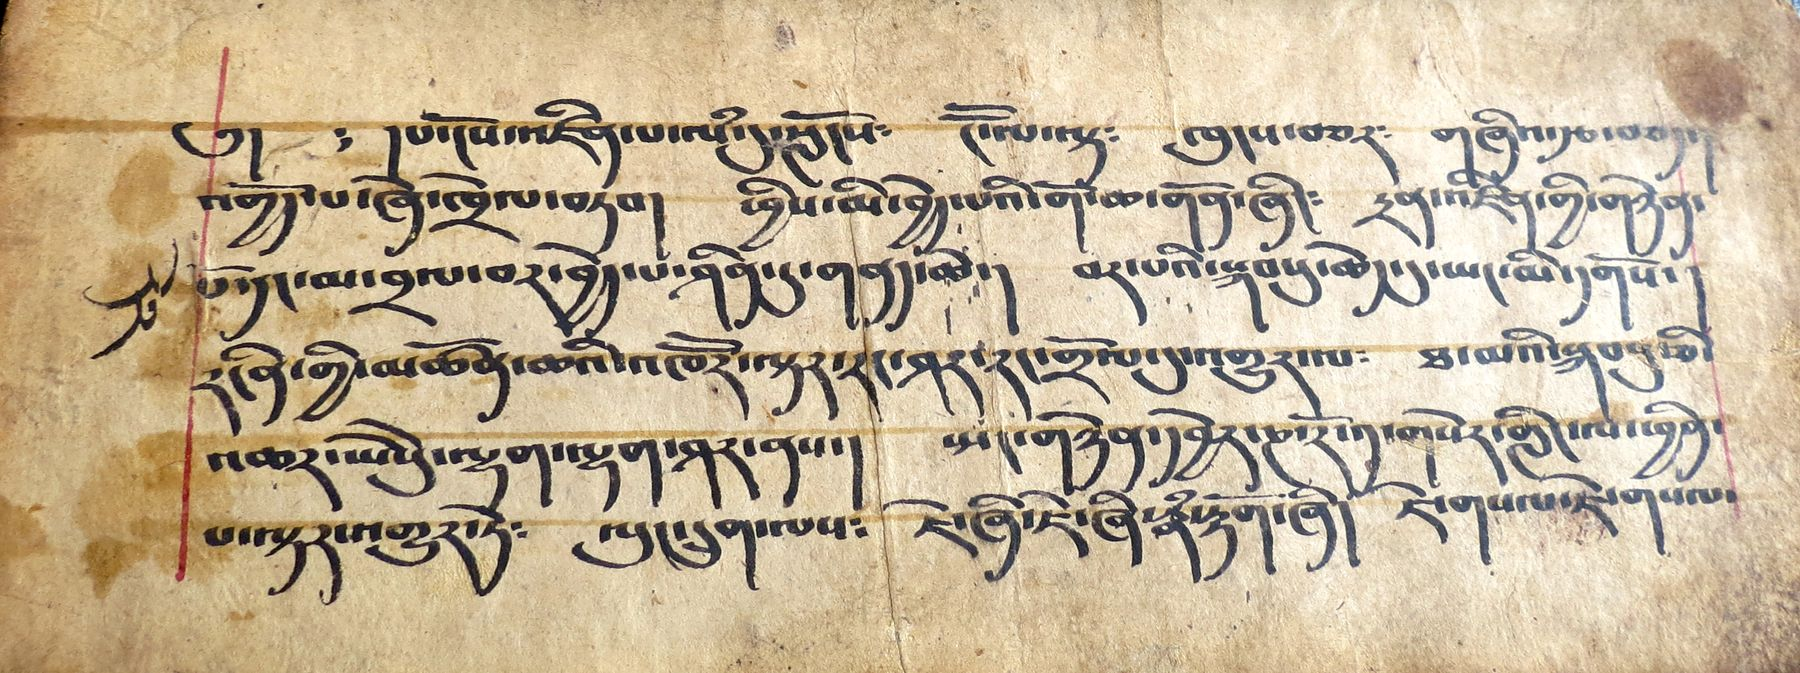པ་ངོས་འཛིན། ལམ་དུ་སློང་། ངོ་བོ་ལ་ལྟ། ཁུངས་བཅར། གཞི་རྩ་བཅད། 
འགྱོད་པ་བསྐྱེད། ཞེ་ཁྲེལ་གདབ། ཕྱིས་མི་སྐྱེ་བའི་གོ་ཆ་གོན་ཅིང་། དྲན་འཛིན་གྱི་གཉེན་
པོ་དང་མ་བྲལ་བར་བྱེད་པ་ཤིན་ཏུ་གནད་ཆེ་སྟེ། བར་པའི་སྐབས་སུ་ཆེད་དུ་སྤང་མི་དགོས་ཏེ། 
རང་བཞིན་གྱི་མཚོན་ཆའི་འཁོར་ལོ་ལྟར་རང་ཤར་རང་གྲོལ་དུ་འགྱུར་ལ། ཐ་མའི་སྐབས་སུ་ཅི་
འཆར་ཡེ་ཤེས་སུ་ལྷག་ལྷག་ཤར་ནས་སྤང་གཉེན་དབྱེར་མེད་རོ་གཅིག་གསེར་གླིང་དུ་ཕྱིན་
པ་ལྟར་འགྱུར་ཏེ། ལུང་དྲུག་ལས། ཇེ་ཞི་ཇེ་ཞི་རྣམ་རྟོག་ཞི། ཇེ་གསལ་ཇེ་གསལ་